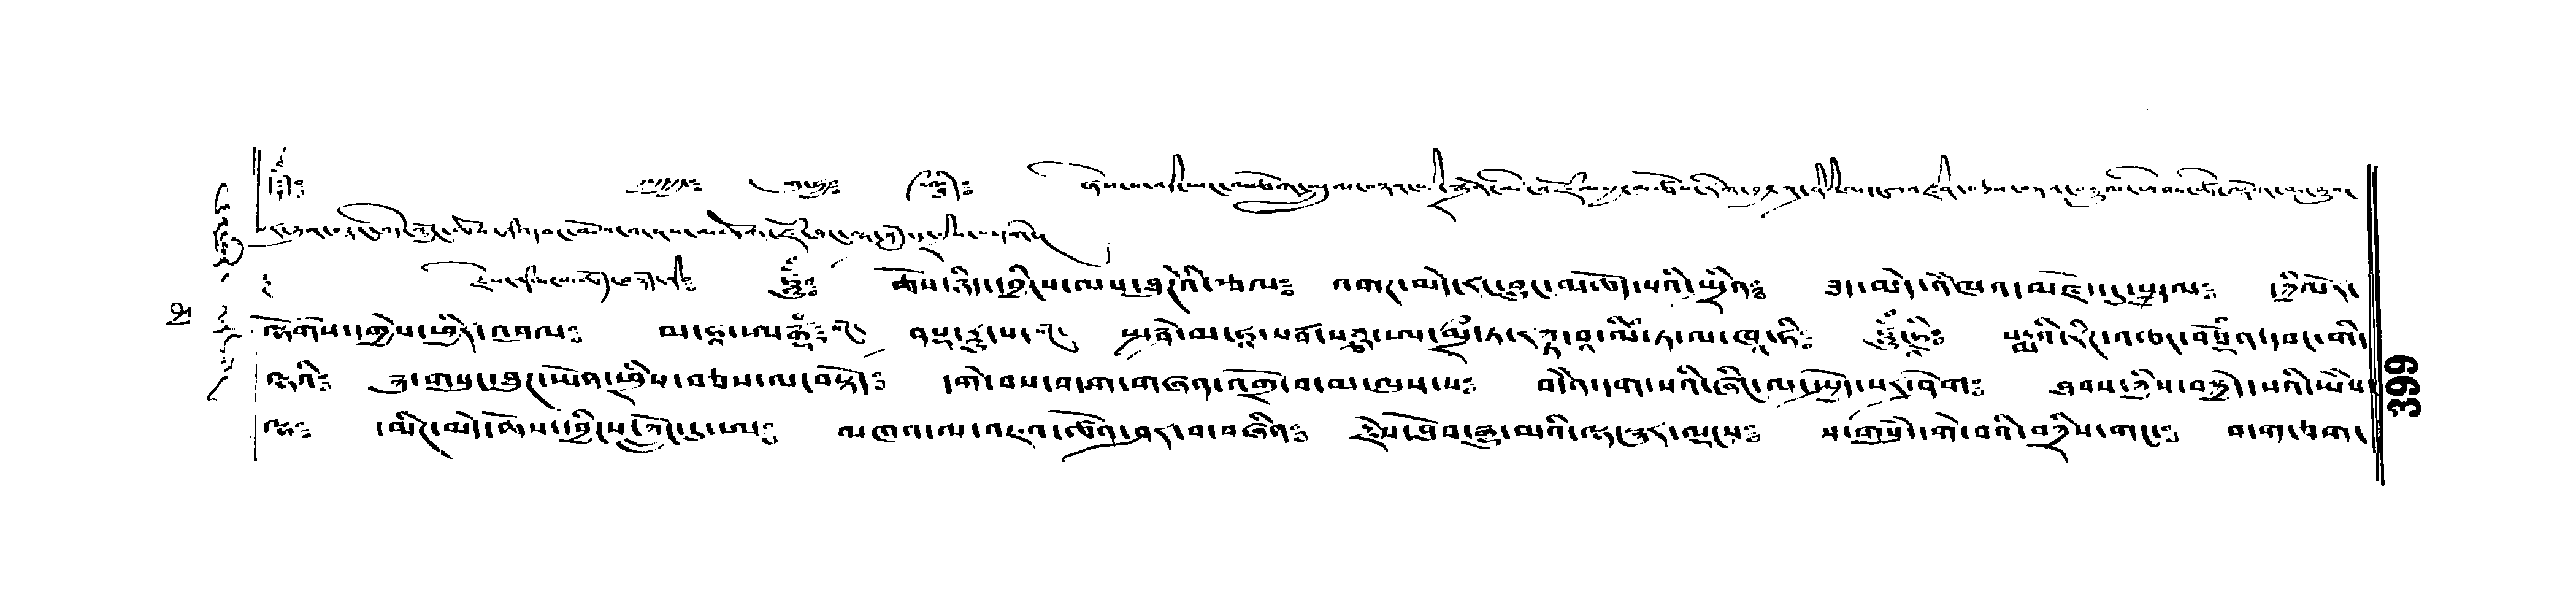རྒྱ་རྒྱ་རྒྱ༔ གུ་ཧྱ༔ ༔ ཞེས་པ་འདི་ཡང་མཆོག་སྤྲུལ་བསྟན་པའི་སྒྲོན་མེ་འཇམ་དཔལ་རྒྱ་མཚོས་རེག་བྱ་ཀ་ཤིའི་མདངས་འཛིན་བཅས་བཀའ་བསྐུལ་ཕེབས་ཚེ་ལྡོག་མ་ནུས་
པར་ཀུན་བཟང་བདེ་སྐྱོང་ཆོས་ཉིད་དབང་མོས་གནས་མཆོག་ཛམ་ཐང་ལྷ་ཤོད་དུ་བྲིས་པ་དགེ།། 
༈ རྗེས་རིམ་མཆོད་བསྟོད་ནི༔ ཧཱུྃ༔ ཆོས་ཉིད་དབྱིངས་ལས་ཐུགས་རྗེའི་རྩལ༔ འགགས་མེད་རང་བྱུང་མཆོད་པའི་སྤྲིན༔ ཟད་མེད་ནམ་མཁའ་མཛོད་དུ་སྤྲུལ༔ དཀྱིལ་
འཁོར་ལྷ་ཚོགས་དགྱེས་ཕྱིར་འབུལ༔ མ་ཧཱ་ཨརྒྷཾ་སོགས༔ ཤཔྡ་རཱུ་པ་སོགས༔ སྤརྴེ་མ་ཧཱ་སརྦ་པཉྩ་ཨ་མྲྀ་ཏ་རཀྟ་བཱ་ལིཾ་ཏ་ལ་ཁཱ་ཧིཿ ཧཱུྃ་ཧྲཱིཿ པདྨའི་རིགས་འཆང་བཅོམ་ལྡན་དབང་གི་
ལྷའི༔ སྐུ་གསུང་ཐུགས་ཡོན་ཕྲིན་ལས་བཅས་ལ་བསྟོད༔ དགེ་བས་བདག་གཞན་འགྲོ་བ་མ་ལུས་པ༔བདེ་ཆེན་དག་པའི་ཞིང་ལ་སྤྱོད་པར་ཤོག༔ ཐབས་ཀྱིས་བསྐྱེད་པའི་ཡེ་ཤེས་
ལྷ༔ དམིགས་མེད་ཆོས་དབྱིངས་ཀློང་དུ་ཨཱཿ མཁའ་ལ་འཇའ་ཚོན་ཤར་བ་བཞིན༔ རྗེས་ཐོབ་སྒྱུ་མའི་ལྷ་སྐུར་ལྡངས༔ ས་གསུམ་དགེ་བའི་བཀྲ་ཤིས་གང༔ བདག་ཅག་